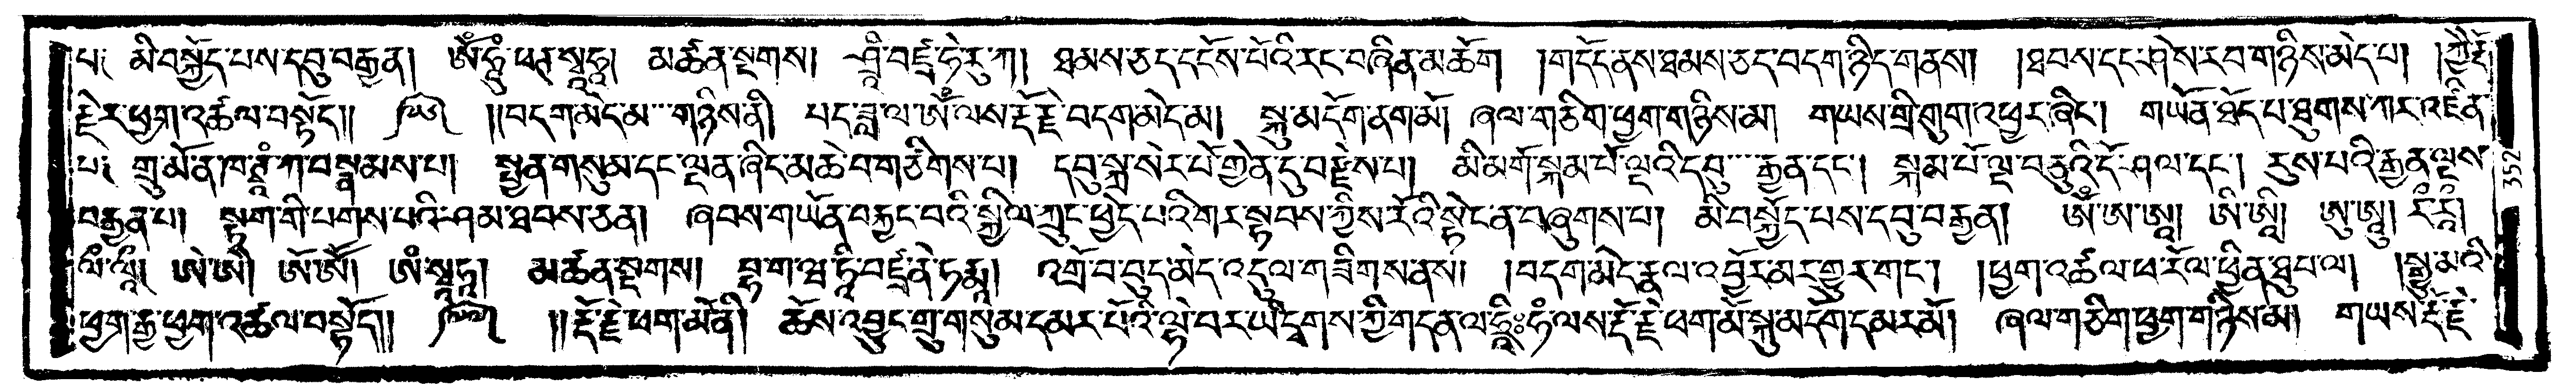པ༑ མི་བསྐྱོད་པས་དབུ་བརྒྱན། ཨོཾ་ཧཱུཾ་ཕཊ་སྭཱཧཱ། མཚན་སྔགས། ཤྲཱི་བཛྲ་ཧེ་རུ་ཀ། ཐམས་ཅད་དངོས་པོའི་རང་བཞིན་མཆོག །གདོད་ནས་ཐམས་ཅད་བདག་ཉིད་གནས། །ཐབས་དང་ཤེས་རབ་གཉིས་མེད་པ། །ཀྱཻ་རྡོ་
རྗེར་ཕྱག་འཚལ་བསྟོད།། ༧༦?་།།བདག་མེད་མ་གཉིས་ནི། པད་ཟླ་ལ་ཨོཾ་ལས་རྡོ་རྗེ་བདག་མེད་མ། སྐུ་མདོག་ནག་མོ། ཞལ་གཅིག་ཕྱག་གཉིས་མ། གཡས་གྲི་གུག་འཕྱར་ཞིང་། གཡོན་ཐོད་པ་ཐུགས་ཀར་འཛིན་
པ༑ གྲུ་མོ་ན་ཁ་ཊྭཱཾ་ཀ་བསྣམས་པ། སྤྱན་གསུམ་དང་ལྡན་ཞིང་མཆེ་བ་གཙིགས་པ། དབུ་སྐྲ་སེར་པོ་གྱེན་དུ་བརྫེས་པ། མི་མགོ་སྐམ་པོ་ལྔའི་དབུ་རྒྱན་དང་། སྐམ་པོ་ལྔ་བཅུའི་དོ་ཤལ་དང་། རུས་པའི་རྒྱན་ལྔས་
བརྒྱན་པ། སྟག་གི་པགས་པའི་ཤམ་ཐབས་ཅན། ཞབས་གཡོན་བརྐྱང་བའི་སྐྱིལ་ཀྲུང་ཕྱེད་པའི་གར་སྟབས་ཀྱིས་རོའི་སྟེང་ན་བཞུགས་པ། མི་བསྐྱོད་པས་དབུ་བརྒྱན། ཨོཾ་ཨ་ཨཱ། ཨི་ཨཱི། ཨུ་ཨཱུ། རྀ་རཱྀ།
ལྀ་ལཱྀ། ཨེ་ཨཻ། ཨོ་ཨཽ། ཨཾ་སྭཱཧཱ། མཚན་སྔགས། བྷ་ག་ཝ་ཏཱི་བཛྲ་ནེ་ཏརྨཱ། འགྲོ་བ་བུད་མེད་འདུལ་གཟིགས་ནས། །བདག་མེད་རྣལ་འབྱོར་མར་གྱུར་གང་། །ཕྱག་འཚལ་ཕ་རོལ་ཕྱིན་ཐུབ་ལ། །སྒྱུ་མའི་
ཕྱག་རྒྱ་ཕྱག་འཚལ་བསྟོད།། ༧༧?་།།རྡོ་རྗེ་ཕག་མོ་ནི། ཆོས་འབྱུང་གྲུ་གསུམ་དམར་པོའི་ལྟེ་བར་ཡི་དྭགས་ཀྱི་གདན་ལ་ཧྲཱིཿཧཾ་ལས་རྡོ་རྗེ་ཕག་མོ་སྐུ་མདོག་དམར་མོ། ཞལ་གཅིག་ཕྱག་གཉིས་མ། གཡས་རྡོ་རྗེ་